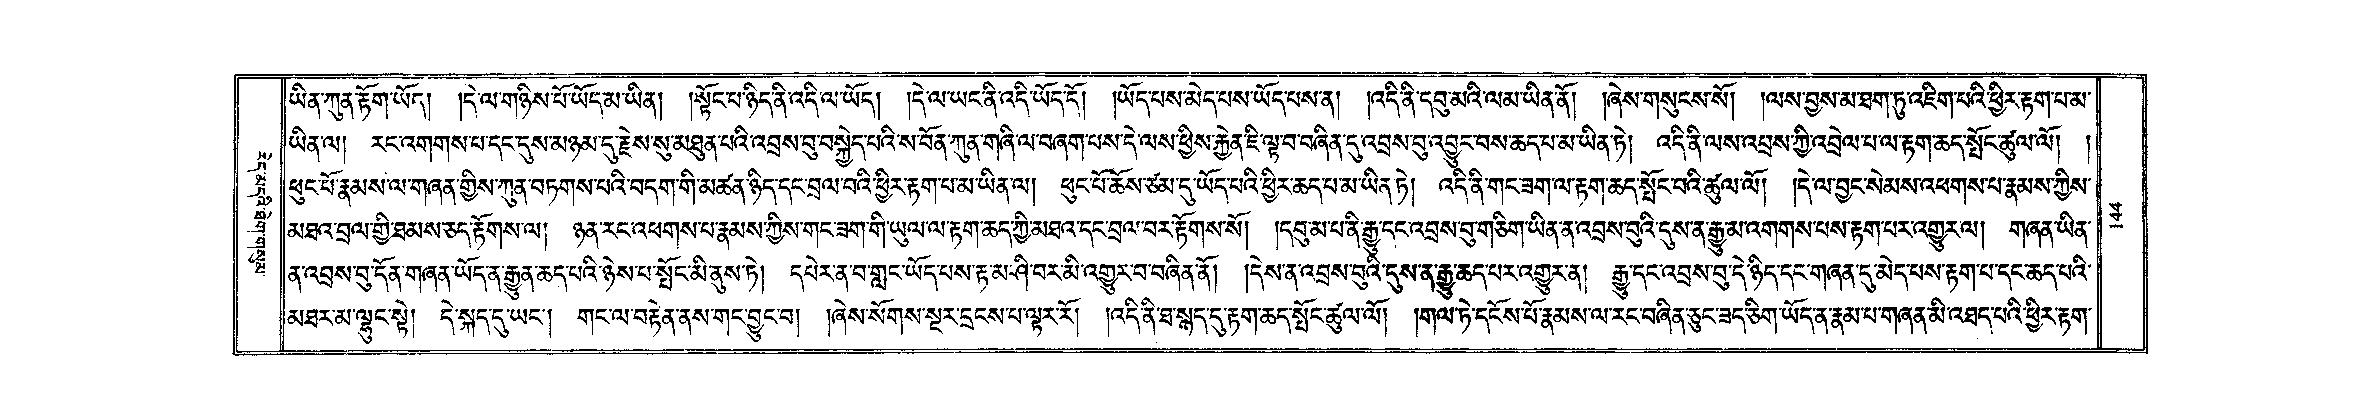ཡིན་ཀུན་རྟོག་ཡོད། །དེ་ལ་གཉིས་པོ་ཡོད་མ་ཡིན། །སྟོང་པ་ཉིད་ནི་འདི་ལ་ཡོད། །དེ་ལ་ཡང་ནི་འདི་ཡོད་དོ། །ཡོད་པས་མེད་པས་ཡོད་པས་ན། །འདི་ནི་དབུ་མའི་ལམ་ཡིན་ནོ། །ཞེས་གསུངས་སོ། །ལས་བྱས་མ་ཐག་ཏུ་འཇིག་པའི་ཕྱིར་རྟག་པ་མ་
ཡིན་ལ། རང་འགགས་པ་དང་དུས་མཉམ་དུ་རྗེས་སུ་མཐུན་པའི་འབྲས་བུ་བསྐྱེད་པའི་ས་བོན་ཀུན་གཞི་ལ་བཞག་པས་དེ་ལས་ཕྱིས་རྐྱེན་ཇི་ལྟ་བ་བཞིན་དུ་འབྲས་བུ་འབྱུང་བས་ཆད་པ་མ་ཡིན་ཏེ། འདི་ནི་ལས་འབྲས་ཀྱི་འབྲེལ་པ་ལ་རྟག་ཆད་སྤོང་ཚུལ་ལོ། །
ཕུང་པོ་རྣམས་ལ་གཞན་གྱིས་ཀུན་བཏགས་པའི་བདག་གི་མཚན་ཉིད་དང་བྲལ་བའི་ཕྱིར་རྟག་པ་མ་ཡིན་ལ། ཕུང་པོ་ཆོས་ཙམ་དུ་ཡོད་པའི་ཕྱིར་ཆད་པ་མ་ཡིན་ཏེ། འདི་ནི་གང་ཟག་ལ་རྟག་ཆད་སྤོང་བའི་ཚུལ་ལོ། །དེ་ལ་བྱང་སེམས་འཕགས་པ་རྣམས་ཀྱིས་
མཐའ་བྲལ་གྱི་ཐམས་ཅད་རྟོགས་ལ། ཉན་རང་འཕགས་པ་རྣམས་ཀྱིས་གང་ཟག་གི་ཡུལ་ལ་རྟག་ཆད་ཀྱི་མཐའ་དང་བྲལ་བར་རྟོགས་སོ། །དབུ་མ་པ་ནི་རྒྱུ་དང་འབྲས་བུ་གཅིག་ཡིན་ན་འབྲས་བུའི་དུས་ན་རྒྱུ་མ་འགགས་པས་རྟག་པར་འགྱུར་ལ། གཞན་ཡིན་
ན་འབྲས་བུ་དོན་གཞན་ཡོད་ན་རྒྱུན་ཆད་པའི་ཉེས་པ་སྤོང་མི་ནུས་ཏེ། དཔེར་ན་བ་གླང་ཡོད་པས་རྟ་མ་ཤི་བར་མི་འགྱུར་བ་བཞིན་ནོ། །དེས་ན་འབྲས་བུའི་དུས་ན་རྒྱུ་ཆད་པར་འགྱུར་ན། རྒྱུ་དང་འབྲས་བུ་དེ་ཉིད་དང་གཞན་དུ་མེད་པས་རྟག་པ་དང་ཆད་པའི་
མཐར་མ་ལྷུང་སྟེ། དེ་སྐད་དུ་ཡང་། གང་ལ་བརྟེན་ནས་གང་བྱུང་བ། །ཞེས་སོགས་སྔར་དྲངས་པ་ལྟར་རོ། །འདི་ནི་ཐ་སྙད་དུ་རྟག་ཆད་སྤོང་ཚུལ་ལོ། །གལ་ཏེ་དངོས་པོ་རྣམས་ལ་རང་བཞིན་ཅུང་ཟད་ཅིག་ཡོད་ན་རྣམ་པ་གཞན་མི་འཐད་པའི་ཕྱིར་རྟག་